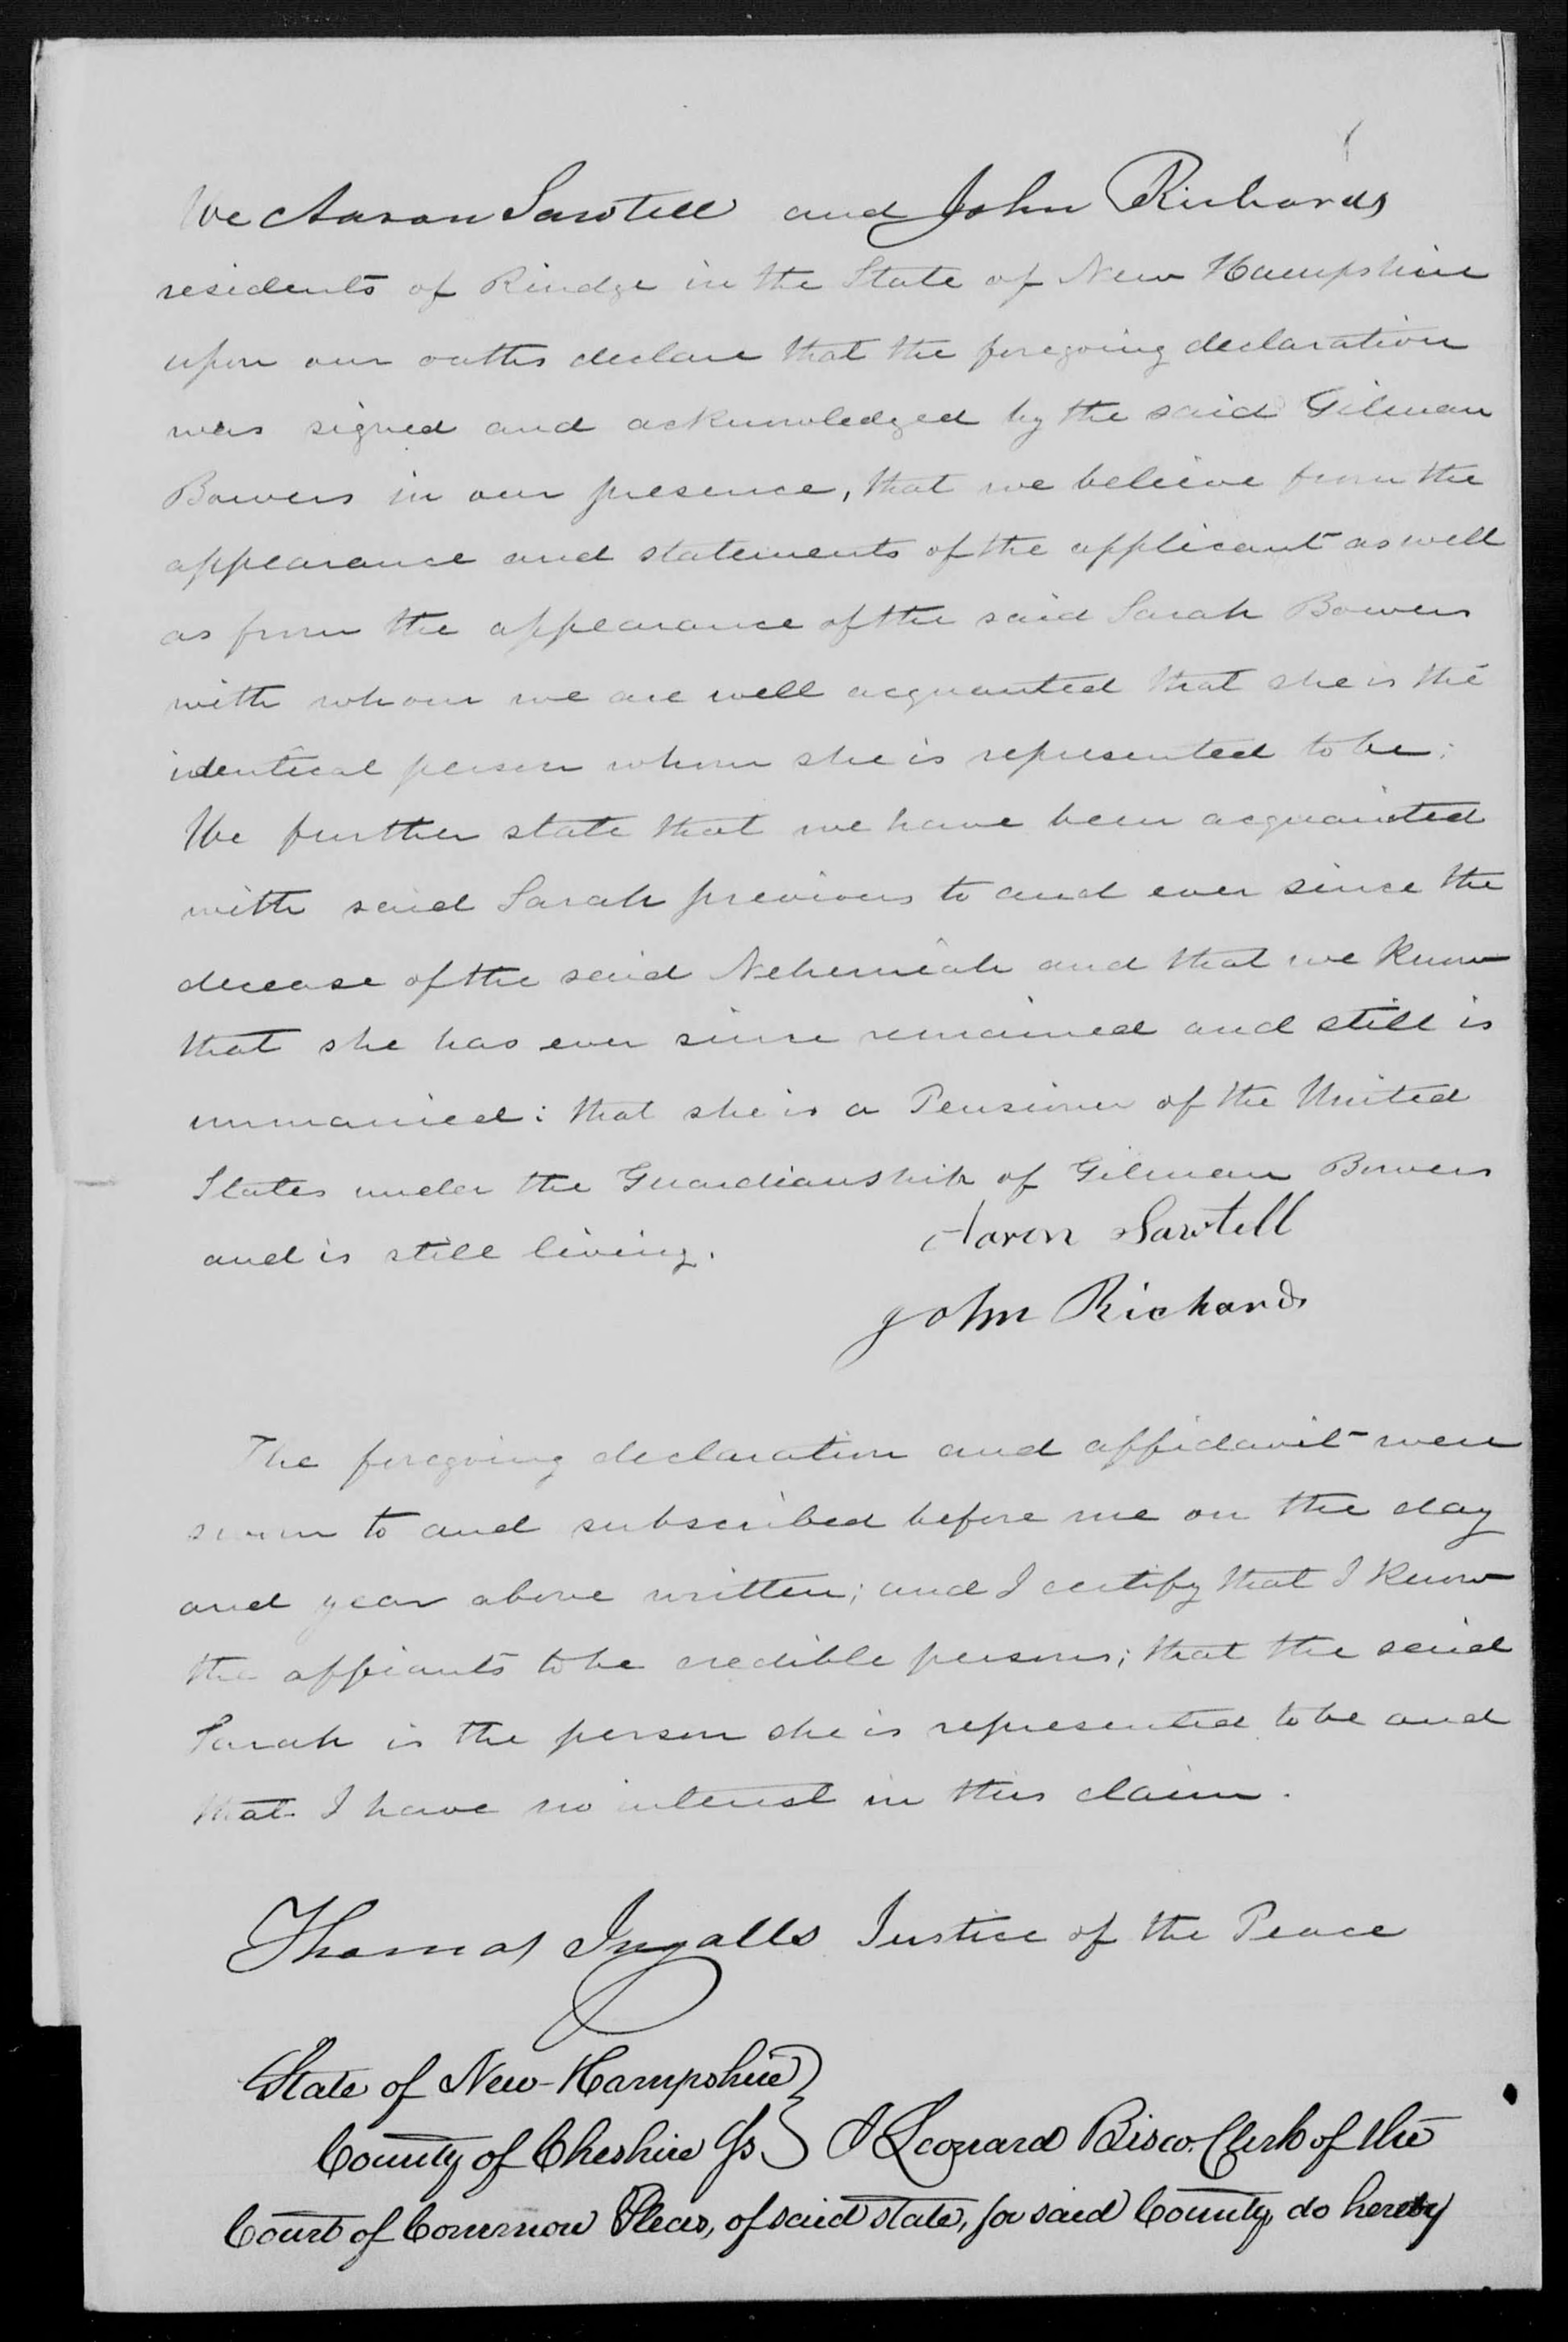We Aaron Sawtell and John Richards residents of Rindge in the State of New Hampshire upon our oaths declare that the foregoing declaration was signed and acknowledged by the said Gilman Bowers in our presence, that we believe from the appearance and statements of the applicant as well as from the appearance of the said Sarah Bowers with whom we are well acquainted that she is the identical person whom she is represented to be.
We further state that we have been acquainted with said Sarah previous to and ever since the decease of the said Nehemiah and that we know that she had ever since remained and still is unmarried: that she is a Pensioner of the United States under the Guardianship of Gilman Bowers and is still living.
Aaron Sawtell
John Richards

The foregoing declaration and affidavit were sworn to and subscribed before me on the day and year above written; and I certify that I know the affiants to be credible persons; that the said Sarah is the person she is represented to be and that I have no interest in this claim.
Thomas Ingalls Justice of the Peace

State of New-Hampshire }
County of Cheshire ss } I Leonard Besio Clerk of the Court of Common Pleas, of said state, for said County, do hereby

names: Nehemiah, Gilman Bowers, Sarah, Sarah, Aaron Sawtell, Sarah Bowers, John Richards, Thomas Ingalls, Gilman Bowers, Aaron Sawtell, Leonard Besio, John Richards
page: 10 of 42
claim: widow's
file: W. 23,652, Nehemiah Bowers, Mass.